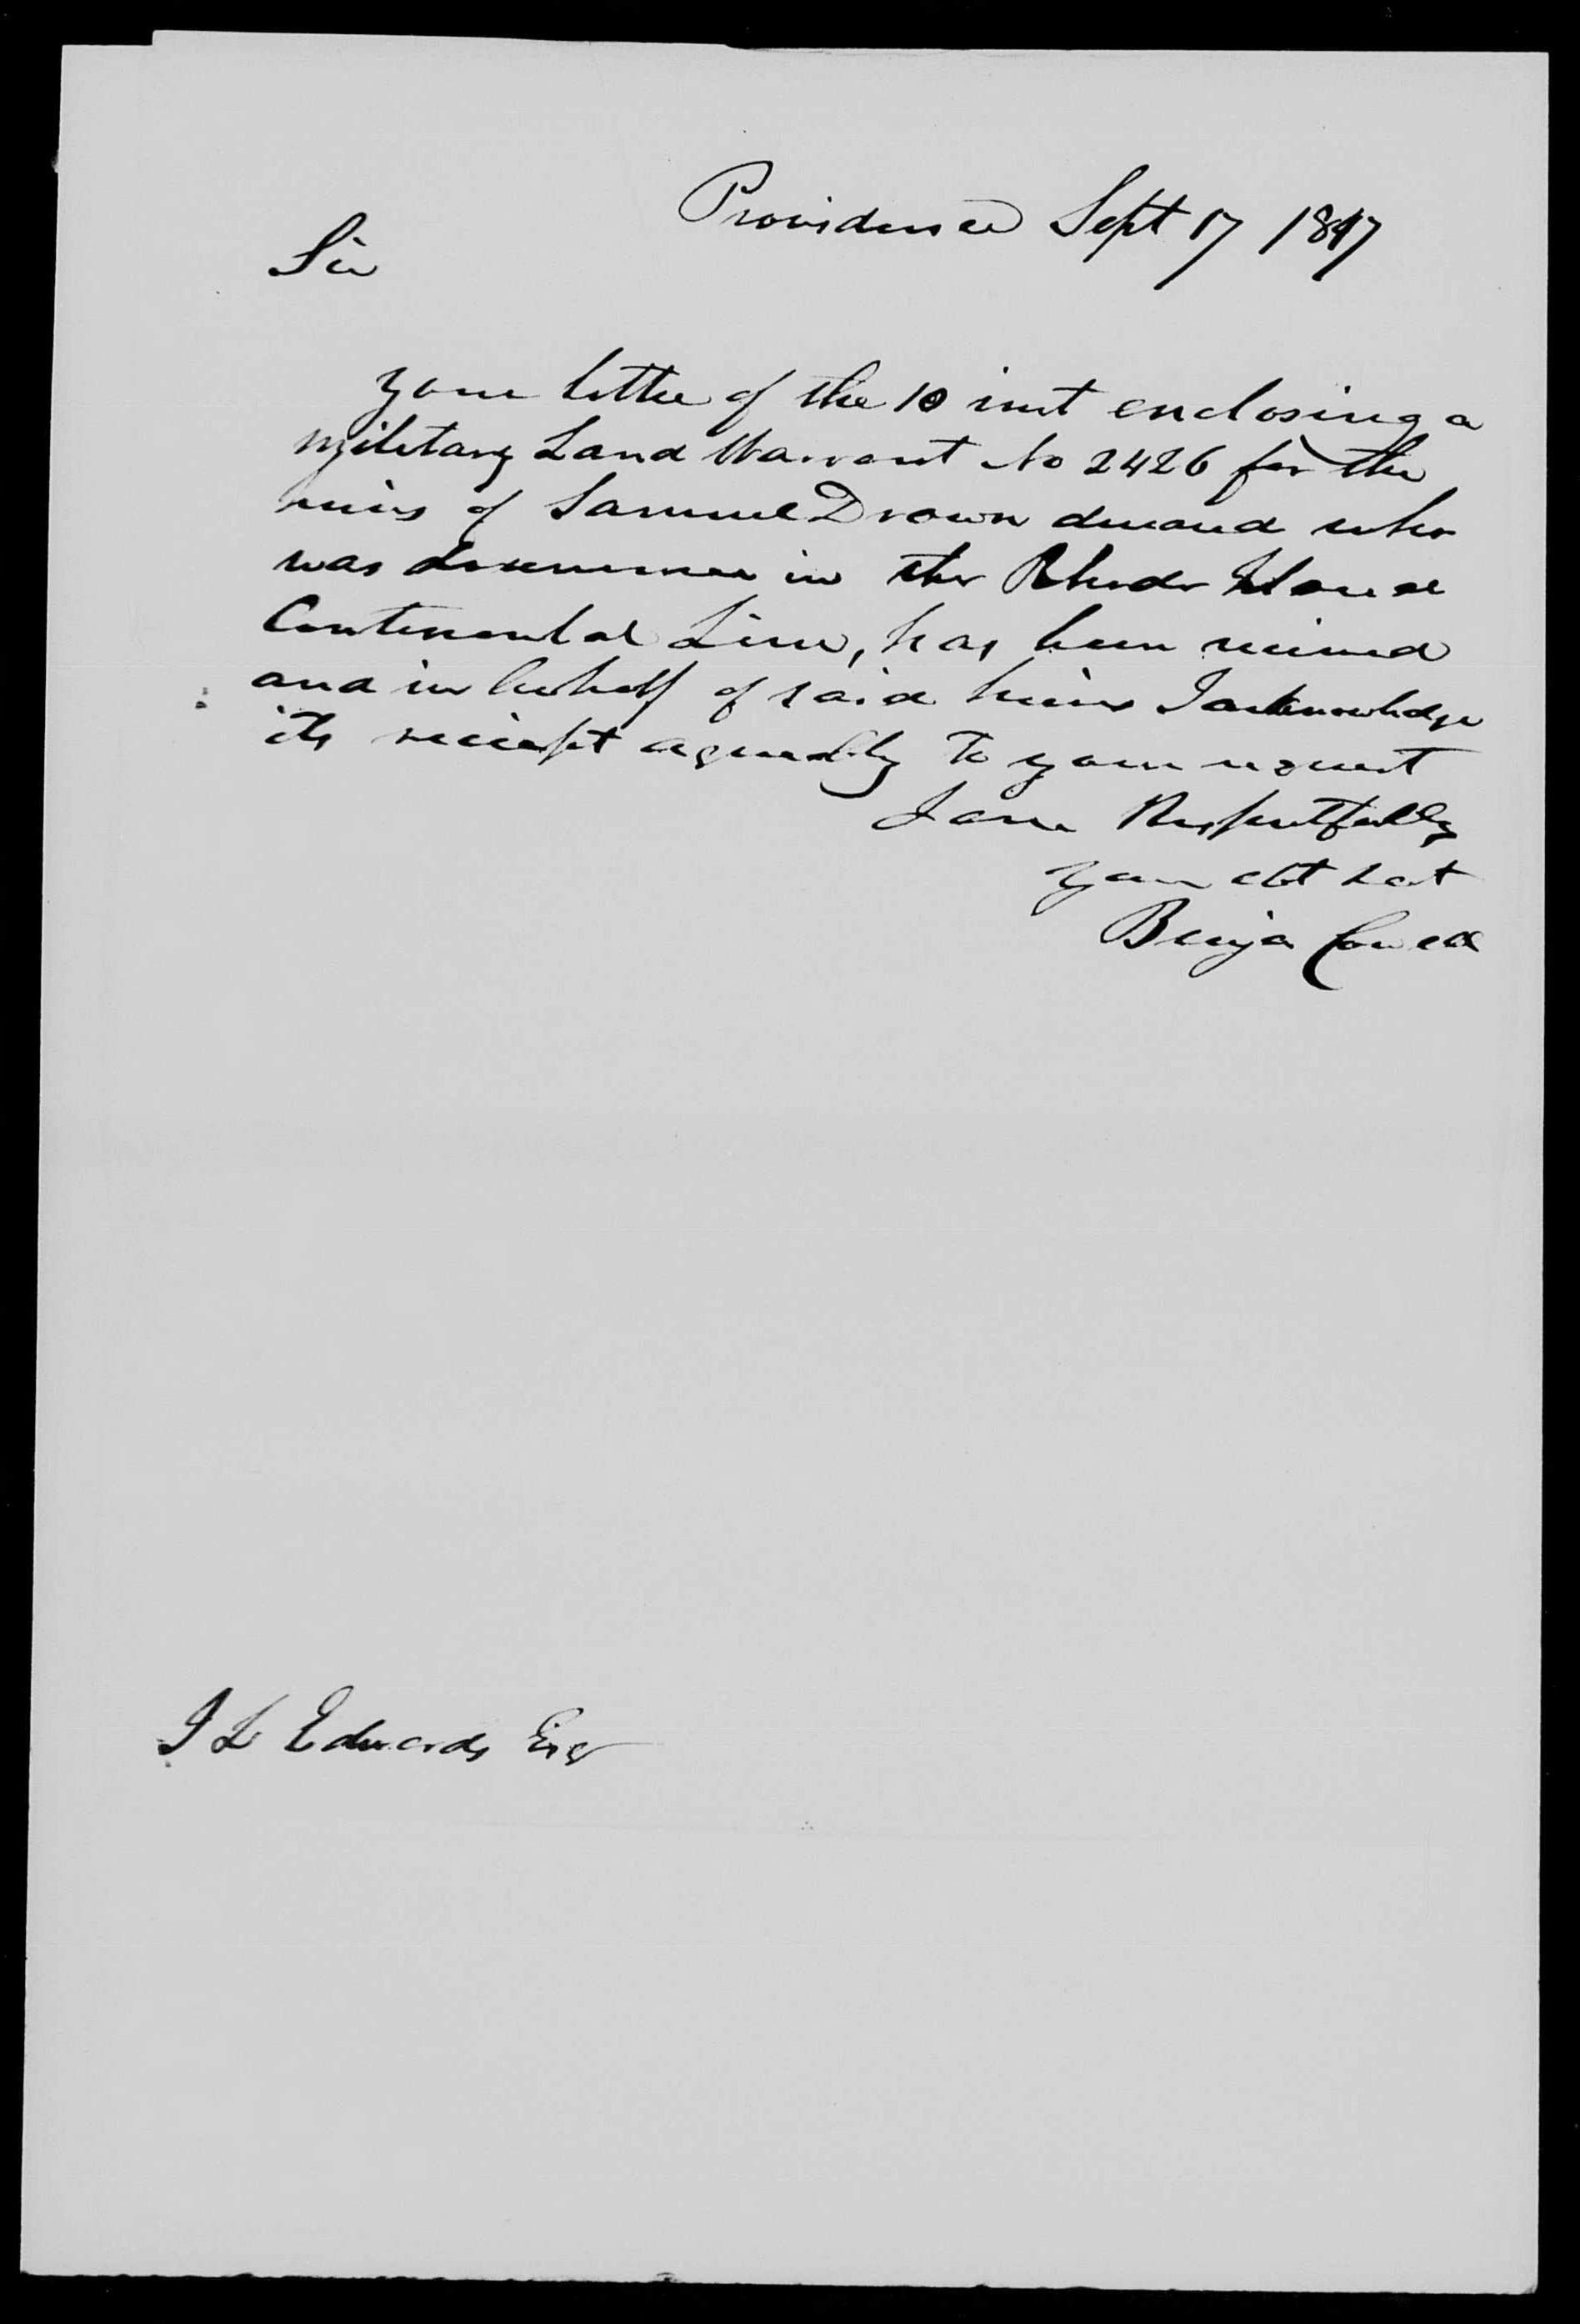Providence Sept 7 1847

Sir
Your letter of the 10 inst enclosing a
military Land Warrant No 2426 for the
heirs of Samuel Drown deceased who
was drummer in the Rhode Island and
Continental Line, has been received
and in behalf of said heirs I acknowledge
its receipt [illegible] to your request
I am Respetfully
your obt sevt
Benja Cowell

J L Edwards Esq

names: Samuel Drown, J L Edwards, Benja Cowell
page: 26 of 31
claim: widow's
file: W 21004, Samuel Drown, R.I.